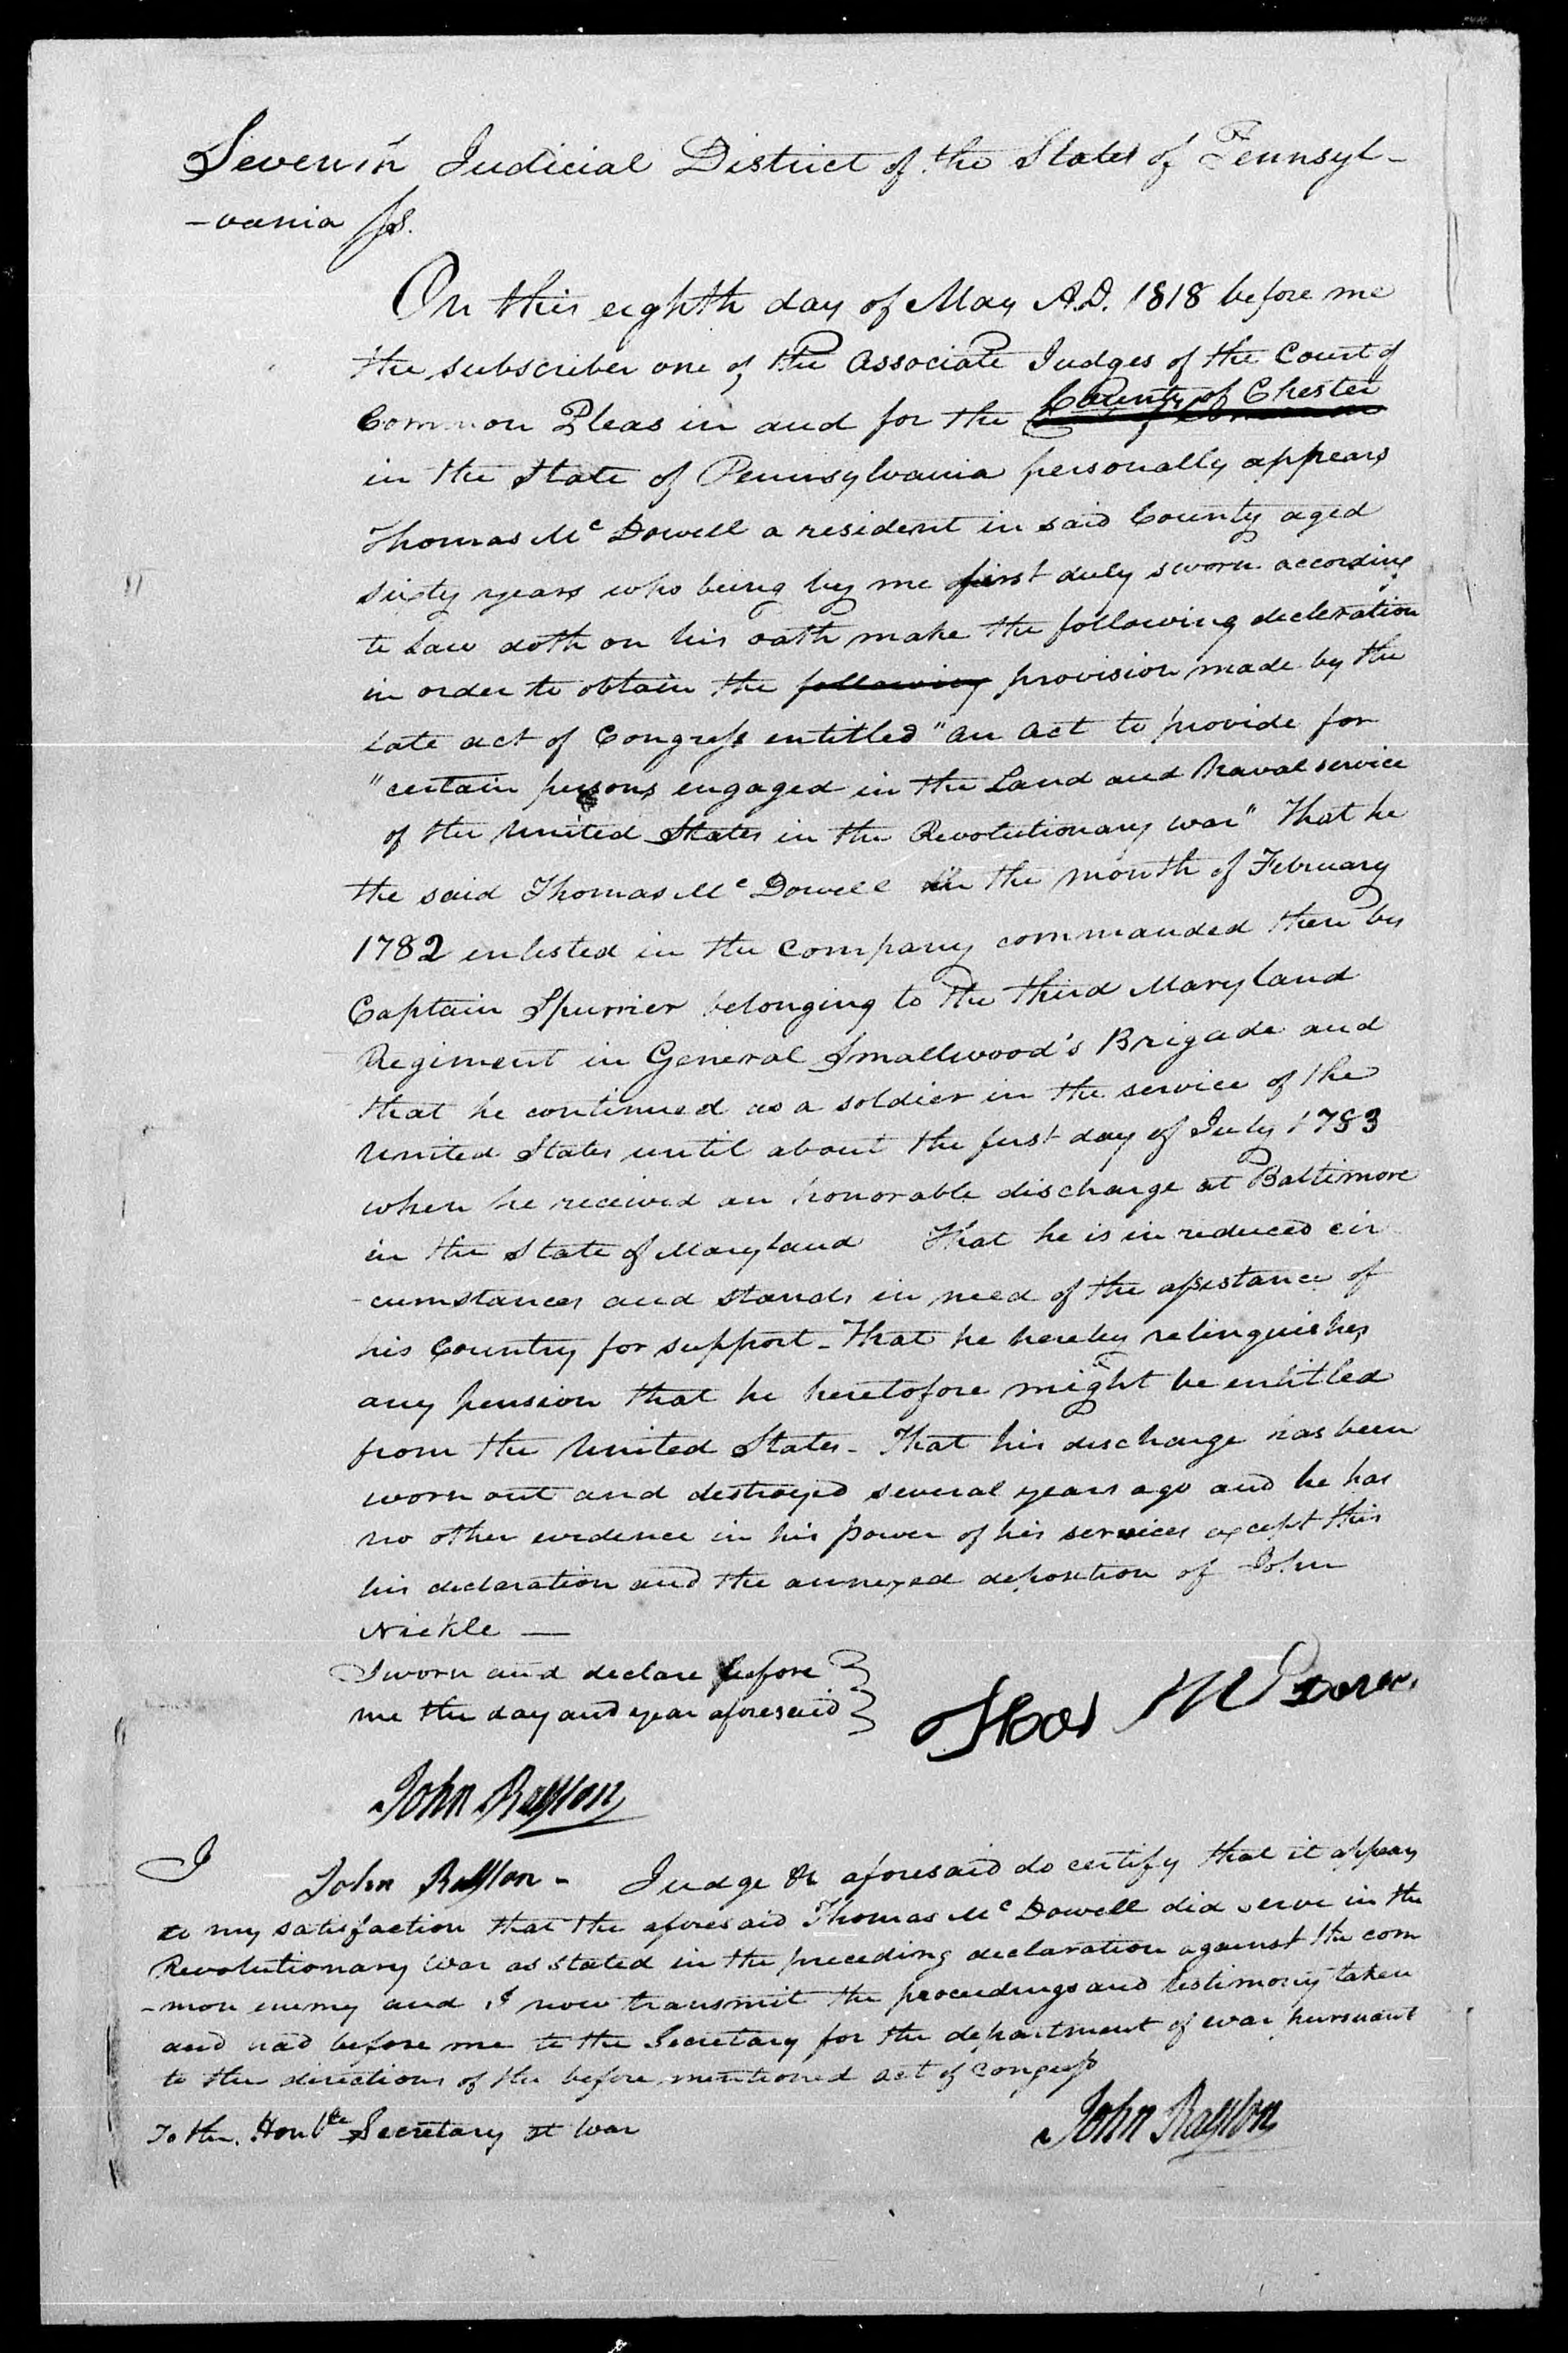Seventh Judicial District of the State of Pennsyl-
vania   Ss.

On this eighth day of May A.D. 1818 before me the subscriber one of the associate Judges of the Court of Common Pleas in and for the County of Chester in the State of Pennsylvania personally appears Thomas McDowell a resident in said County aged sixty years who being by me first duly sworn according to Law doth on his oath make the following declaration in order to obtain the provision made by the late act of Congress entitled "an act to provide for certain persons engage in the Land and Naval service of the United States in the Revolutionary War"  That he the said Thomas McDowell in the month of February 1782 enlisted in the company commanded there by Captain Spurrier belonging to the third Maryland Regiment in General Smallwood's Brigade and that he continued as a soldier in the service of the United states until about the first day of July 1783 when he received an honorable discharge at Baltimore in the State of Maryland.  That he is in reduced circumstances and stands in need of the assistance of his country for support - That he hereby reliquishes any pension that he heretofore might be entitled from the United States.  That his discharge has been worn out and destroyed several years ago and he has no other evidence in his power of his services except this his declaration and the annexed deposition of John Nickle -
                             Thoas McDowell  [sic]
Sworn and declare before         )
me the day and year aforesaid  )   

            John Ralston

I John Ralston - Judge as aforesaid do certify that it appears to my satisfaction that the aforesaid Thomas McDowell did serve in the Revolutionary War as stated in the preceding declaration against the common enemy and I now transmit the proceedings and testimony taken to the direction of the before mentioned act of congress

To The Honble Secretary of War                          John Ralston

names: Thomas Mc Dowell; [BLANK] Spurrier; John Ralston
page: 12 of 63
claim: widow's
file: W 2957, for Thomas Mc Dowell, Maryland